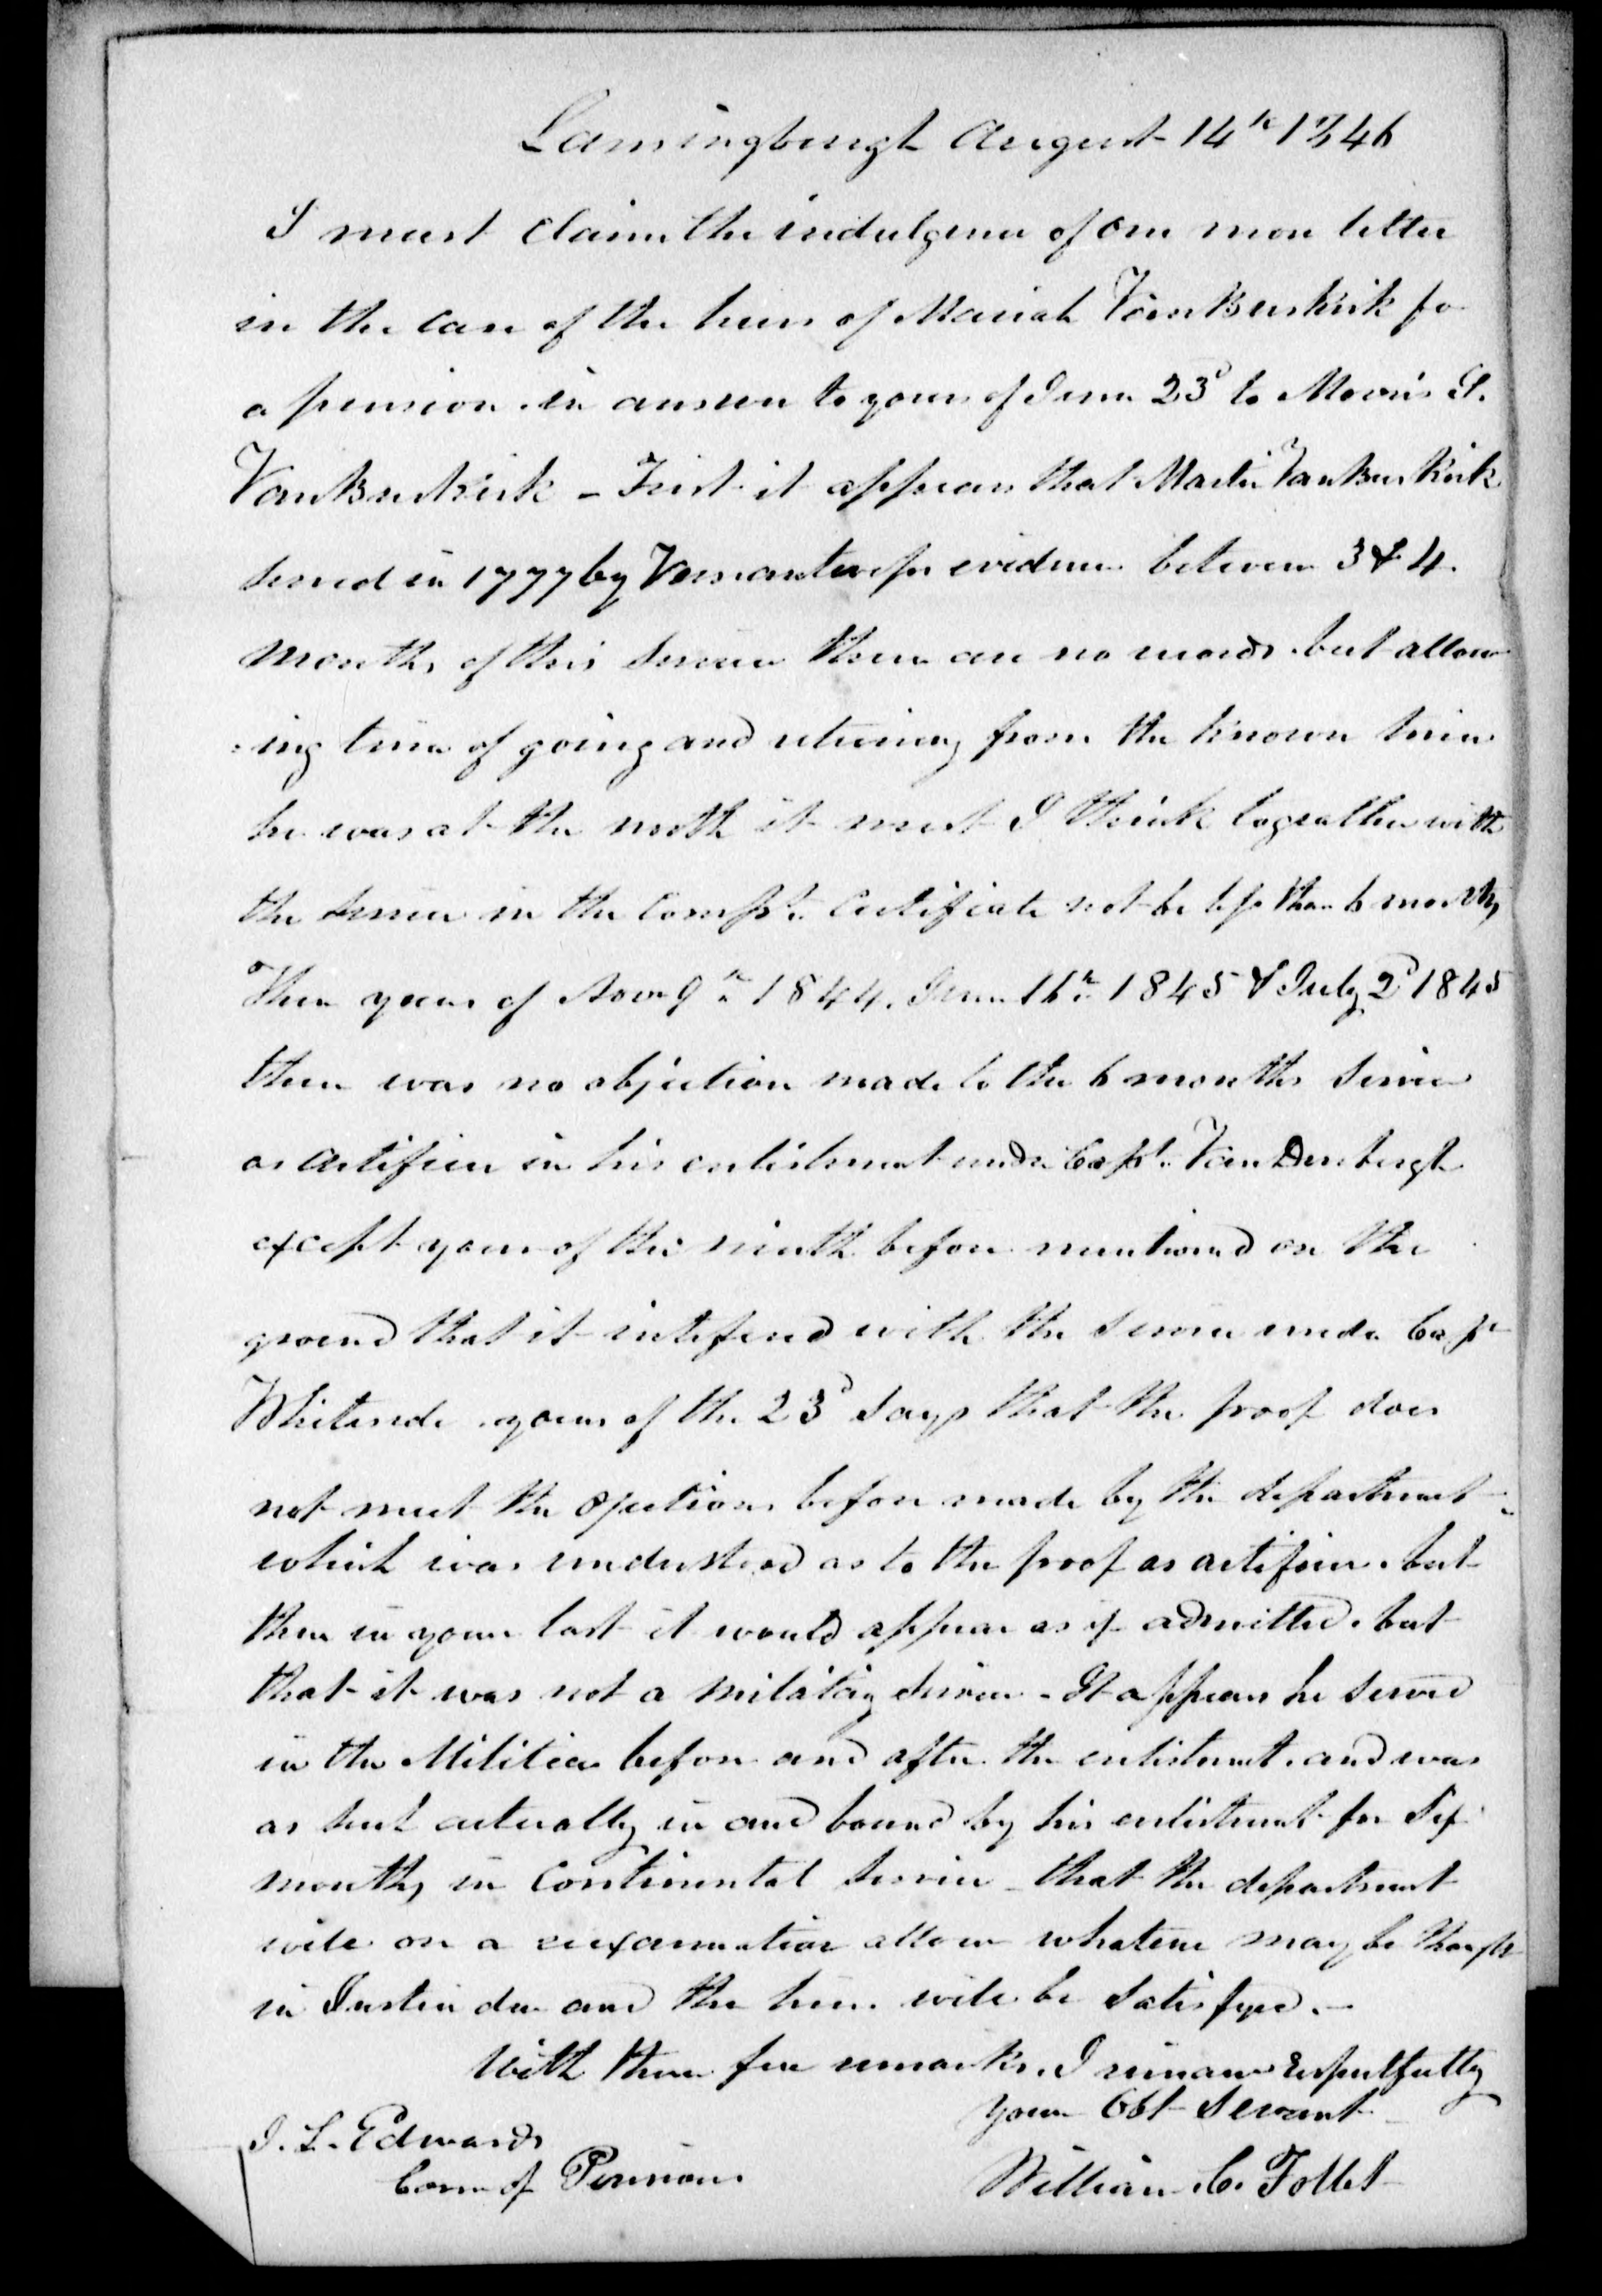Lansingburgh August 14th 1846

I must claim the indulgence of one more letter
in the case of the heirs of Mariah Van Buskirk for a pension in answer to yours of June 23 to Morris S. Van Buskirk - First it appears that Martin Van Buskirk served in 1777 by [illegible]evidence between 3 & 4 months of this service there are no records but allowing time of going and returning from the known time he was at the north it must I think togeather [together] with the service in the Corps Certificate not be less than 6 months.

Then yours of Novr 9th 1844, Jun 16th 1845 & July 2d 1845 there was no objection made to the 6 months service as artificer in his enlistment under Capt Vandenburgh except
your of the ninth before mentioned on the
ground that it intefered with the service and Capt. Whiteside yours of the 23rd says that the proof does not meet the options before made by the department which was understood as to the proof as artificer but
then in your last it would appear as if admitted, but that it was not a military service. It appears he served in the Militia before and after the enlistment and was as such actually in and bound by his enlistment for six months in Continental Service that the department will on a reexamination allow whatever may be thought in Justice due and the heirs will be satisfied.

With therefore remarks, I remain respectfully your Obt. Servant
William C. Follet [signature]

J. L. Edwards
Comm of Pensions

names: Morris S Van Buskirk, Vandenbergh, William C Follet, J L Edwards, Whiteside, Mariah Van Buskirk, Martin Van Buskirk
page: 64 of 70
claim: rejected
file: R. 10,832, Martin Van Buskirk, New York.